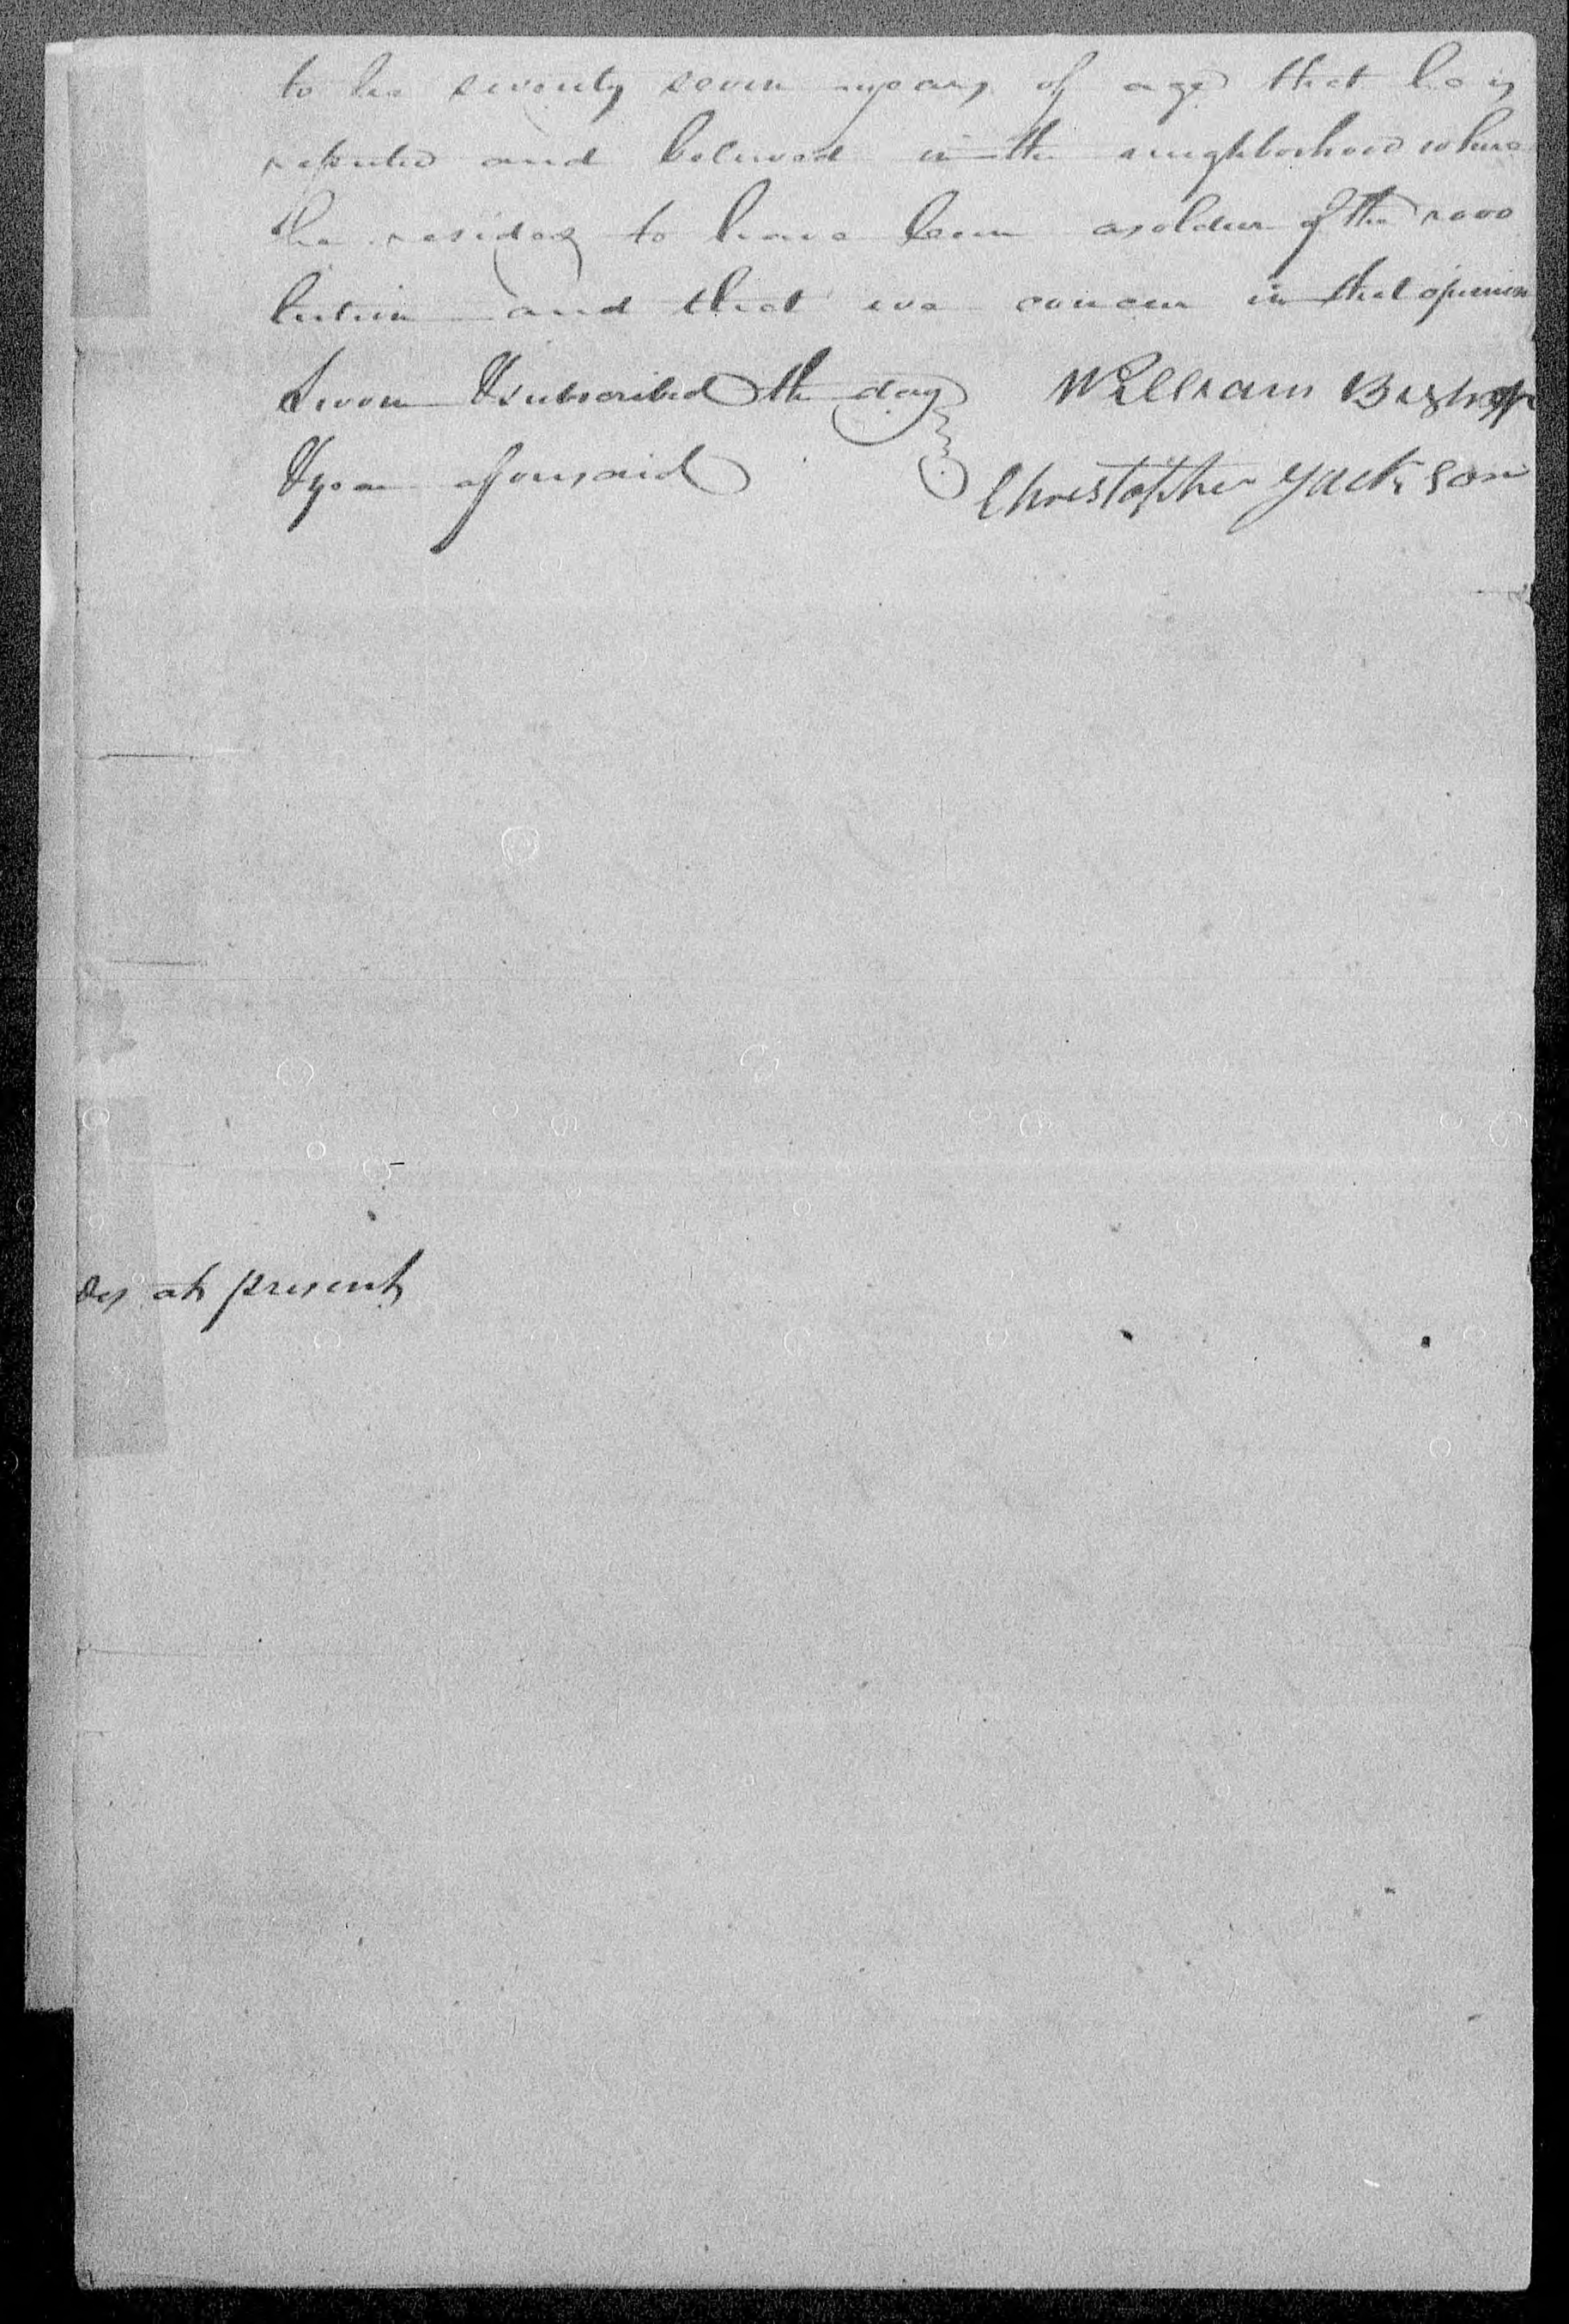to be seventy seven years of age that he is
reputed and believed in the neighborhood where
he resides to have been a soldier of the revolution and that we concur in that opinion
Sworn & subscribed the day
& year aforesaid
William Bishop
Christopher Jackson





[Is at present]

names: Christopher Jackson, William Bishop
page: 6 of 20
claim: survivor's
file: S. 16,337, William M Castleberry, Ga.